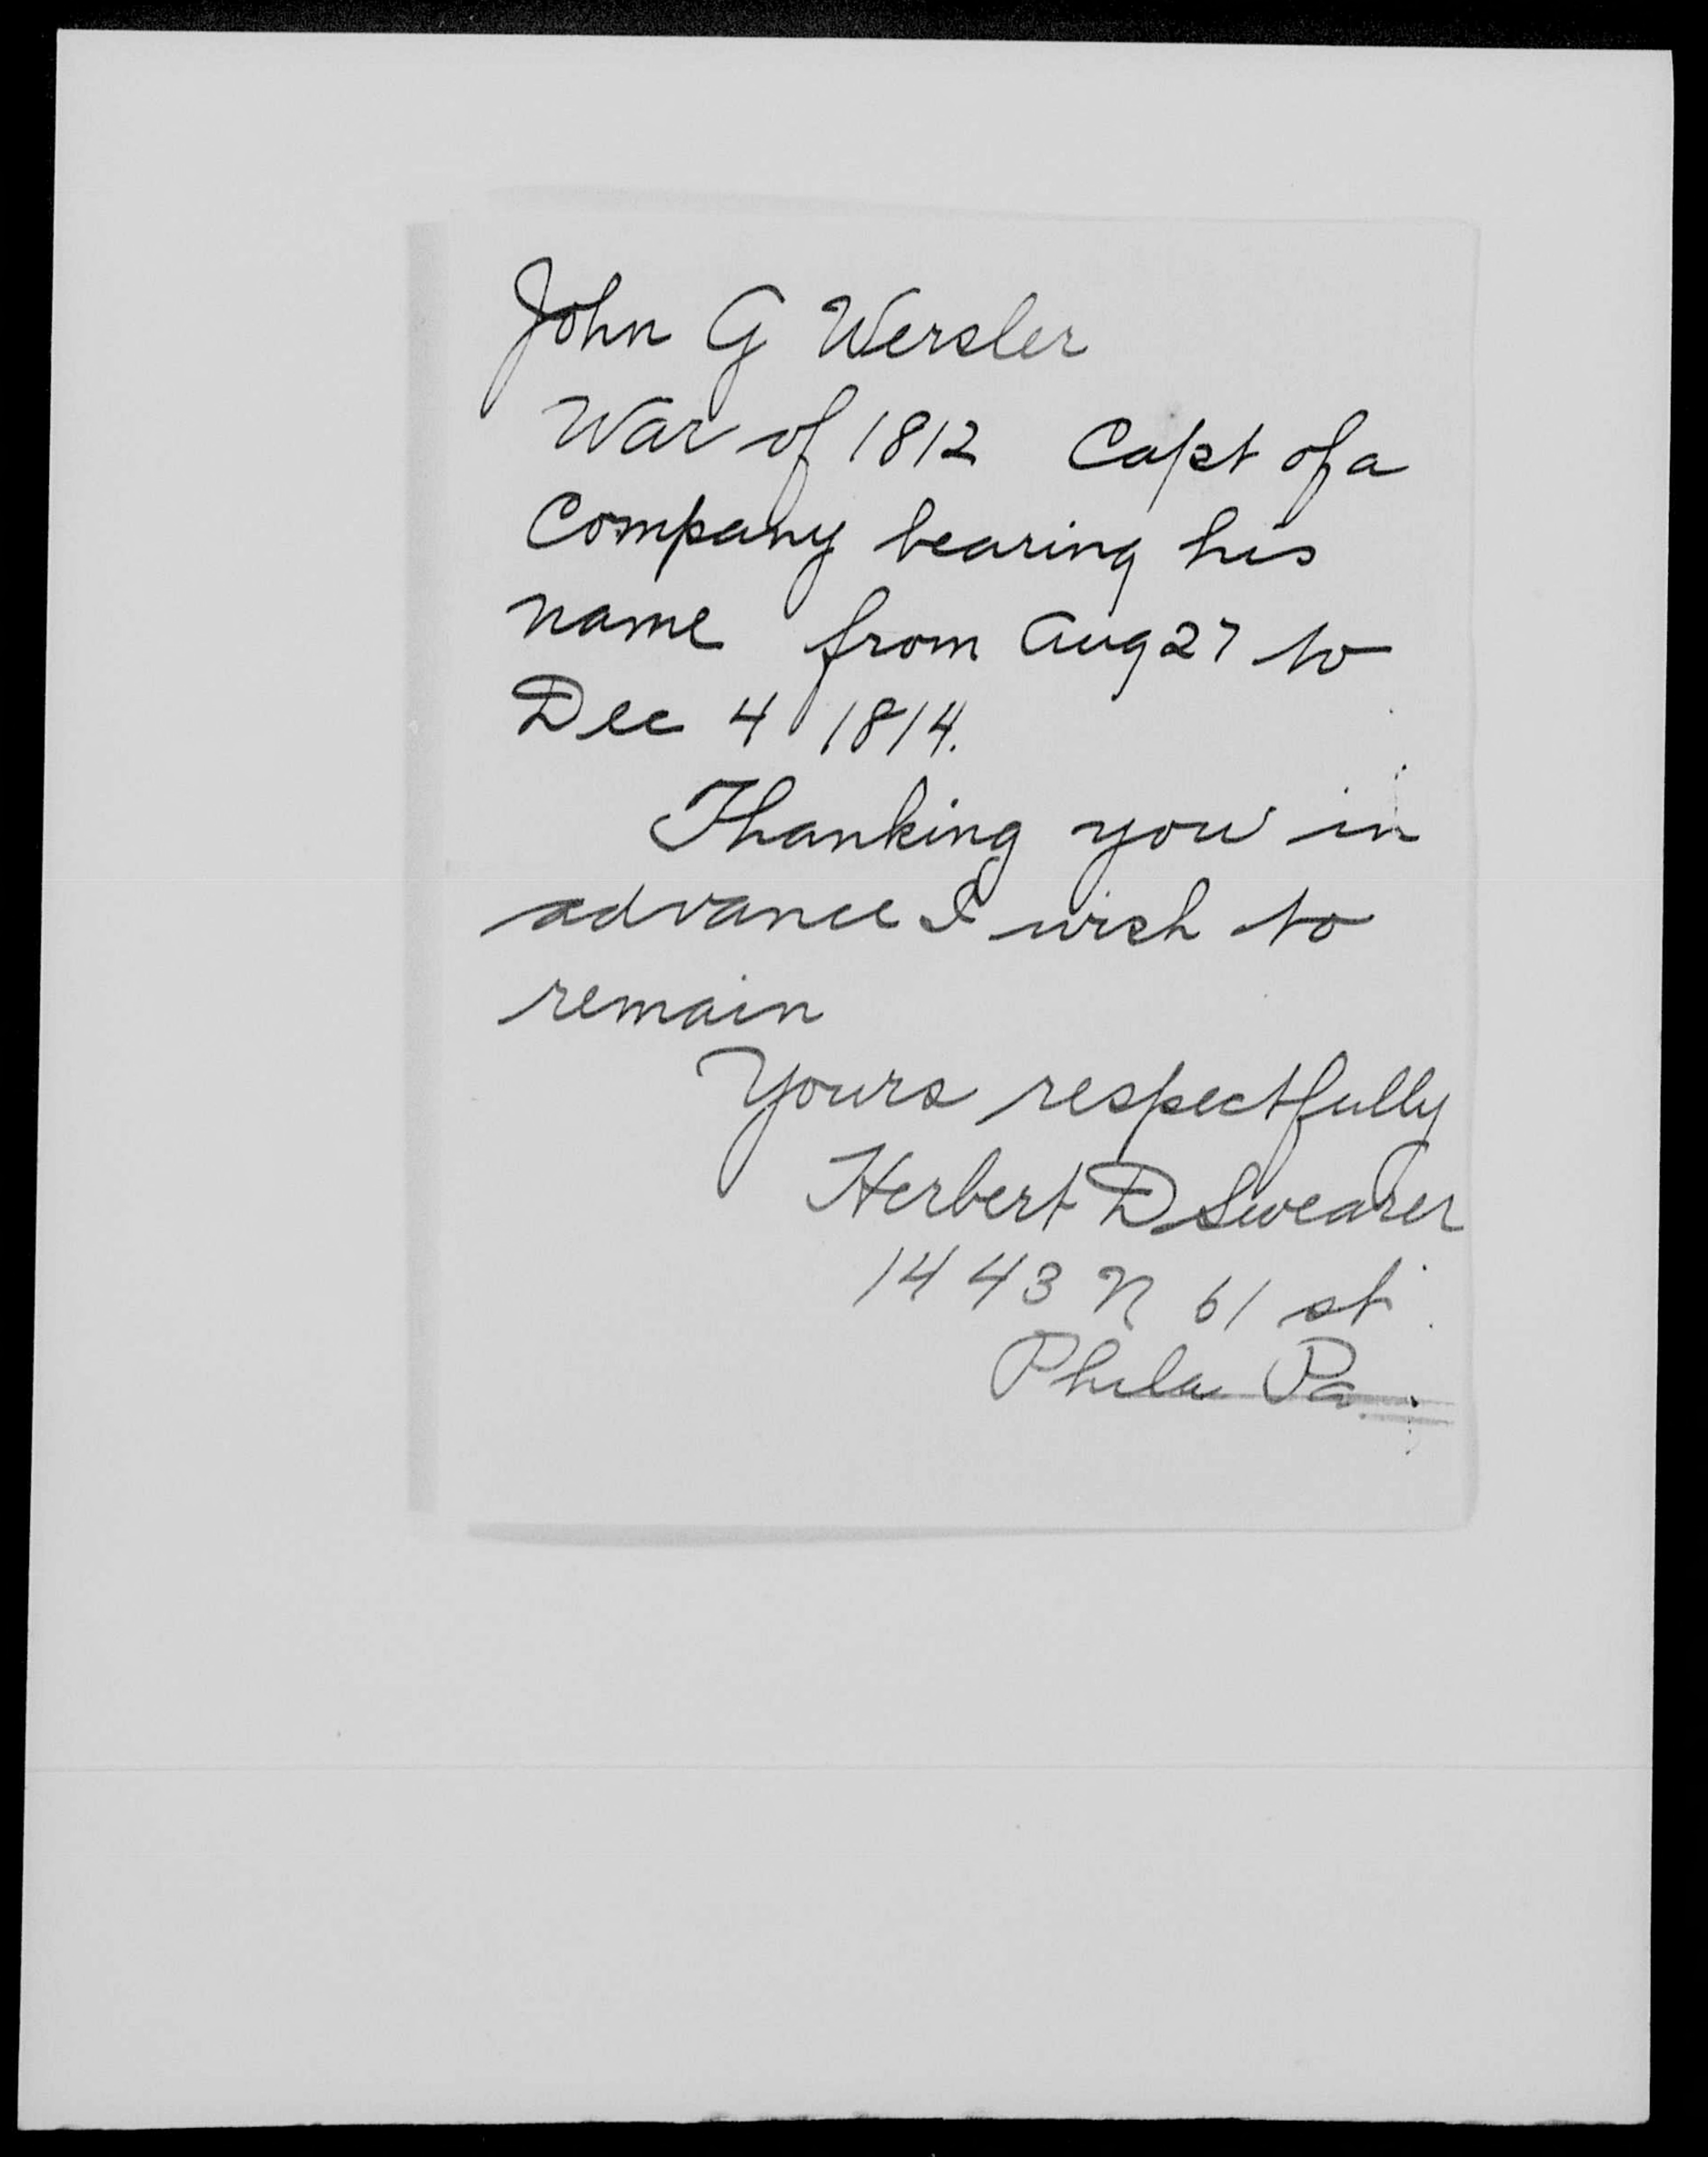John G Wersler
War of 1812 Capt of a Company bearing his name from Aug 27 w Dec 4 1814.
Thanking you in advance I wish to remain
Yours respectfully
Herbert D Swearer
1443N 61 st
Phila Pa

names: John G Wersler, Herbert D Swearer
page: 37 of 57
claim: survivor's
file: S. 2161, Hezekiah Davies, Penn